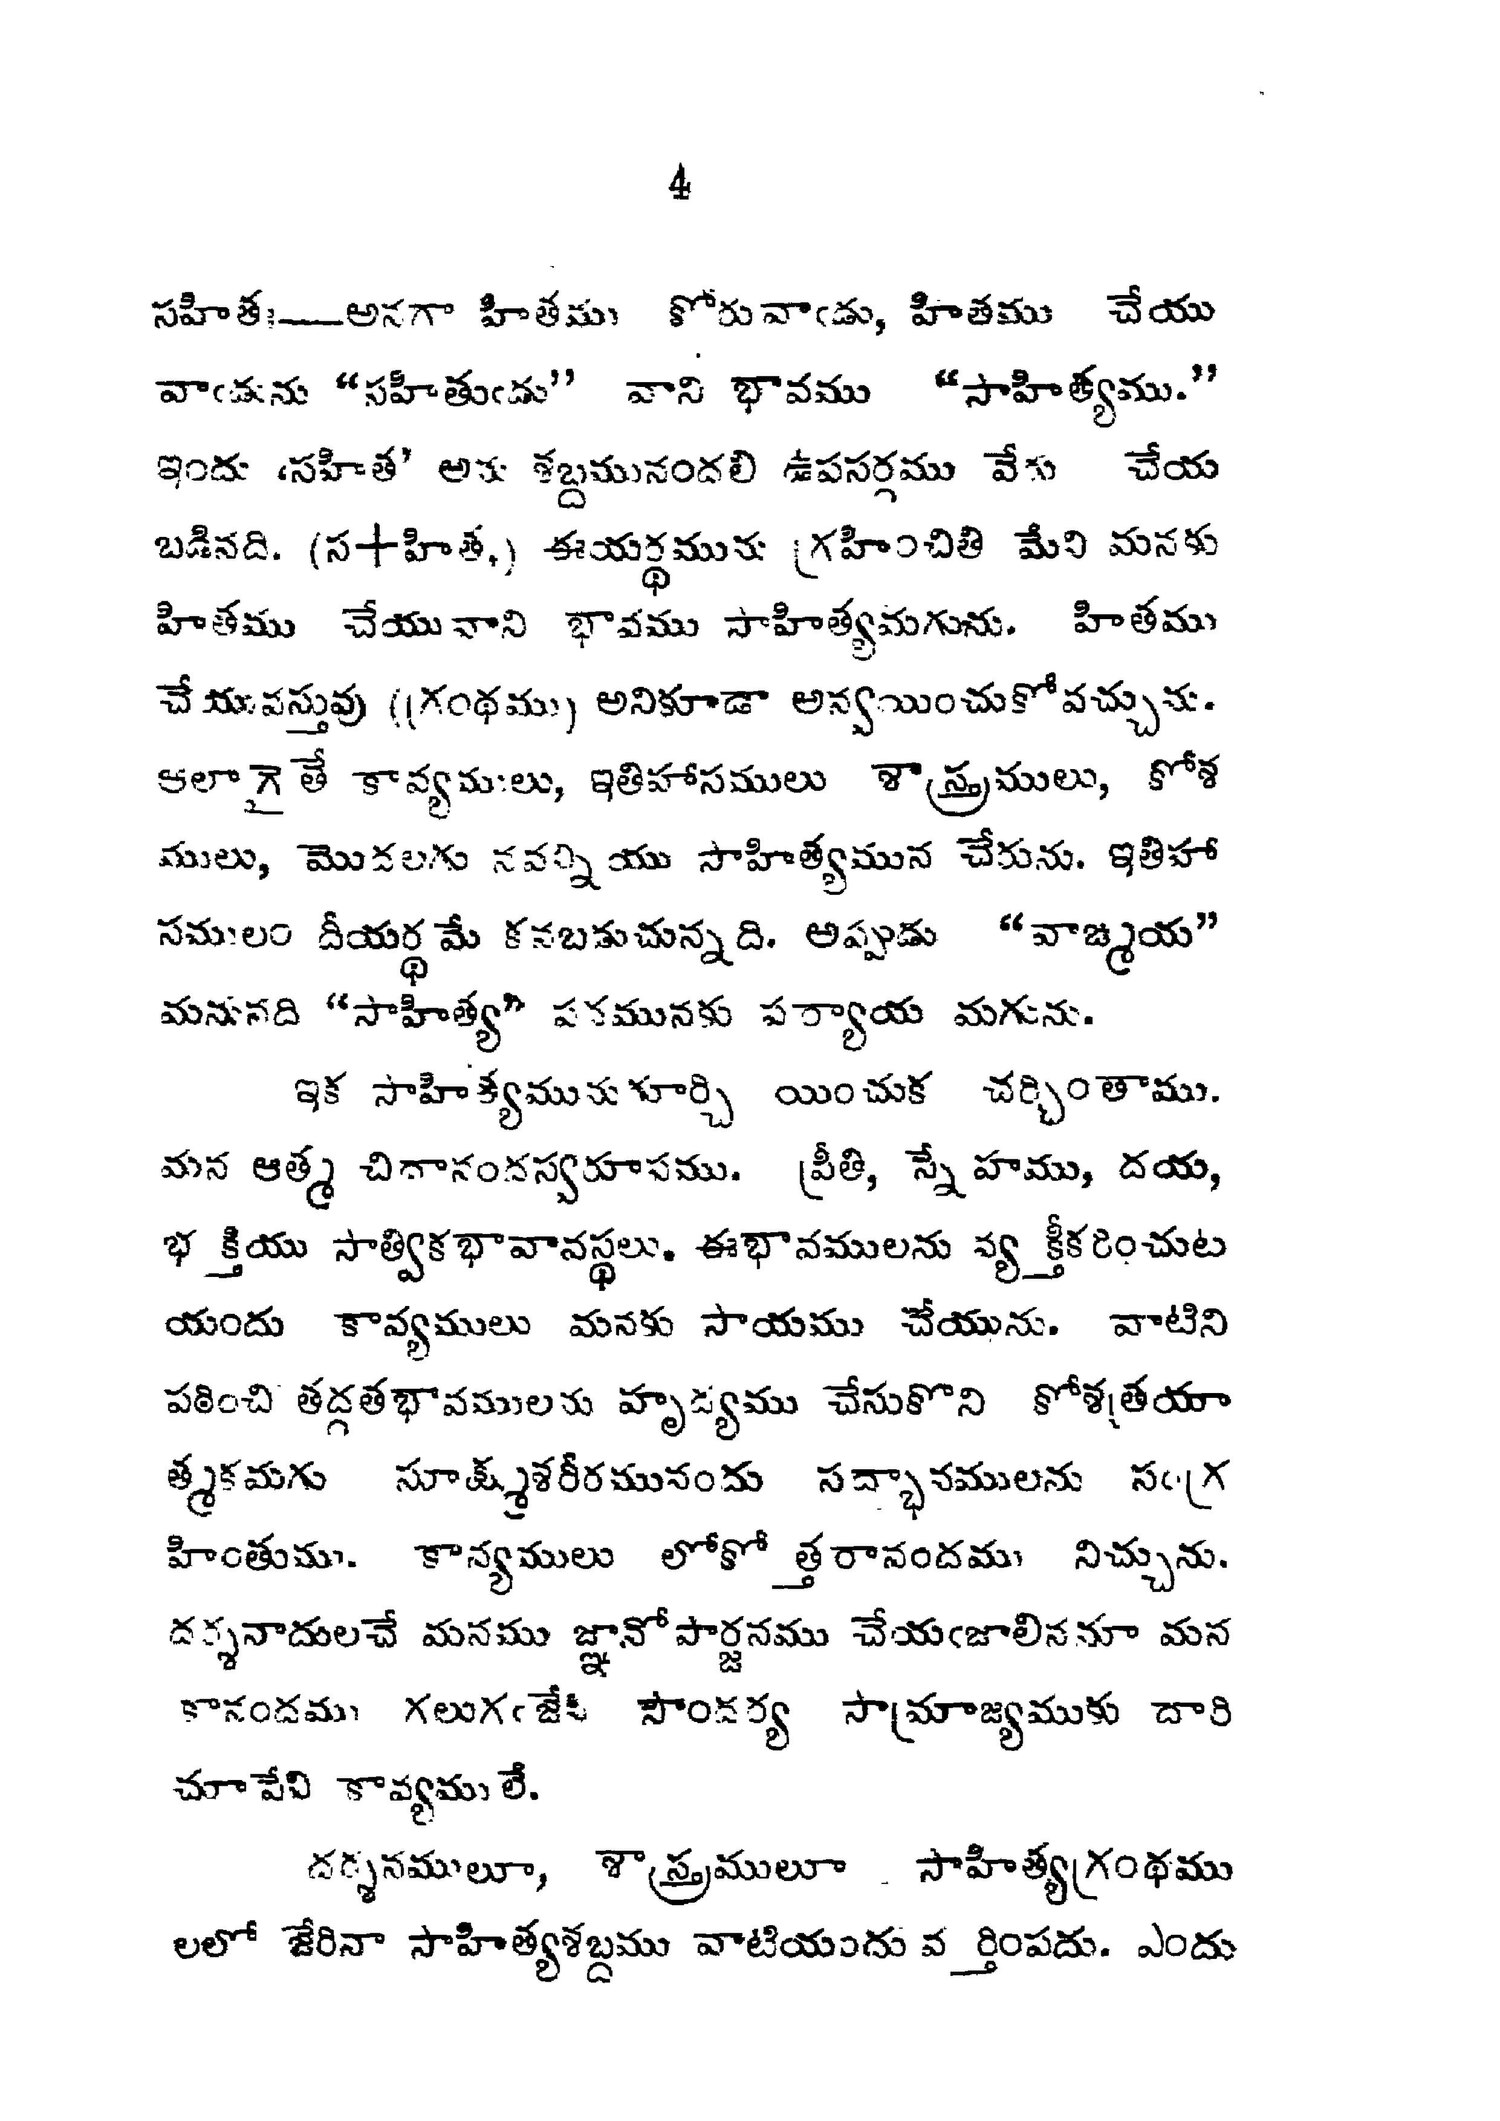సహిత : _ అనగా హితము కోరువాఁడు, హితము చేయువాఁడును "సహితుడు" వాని భావము "సాహిత్యము." ఇందు 'సహిత' అను శబ్దమునందలి ఉపసర్గము వేరు చేయ బడినది. (స+హిత) ఈయర్థమును గ్రహించితి మేని మనకు హితము చేయువాని భావము సాహిత్యమగును. హితము చేయువస్తువు (గ్రంథము) అనికూడా అన్వయించుకోవచ్చును. ఆలాగైతే కావ్యములు, ఇతిహాసములు శాస్త్రములు, కోశములు, మొదలగు నవన్నియు సాహిత్యమున చేరును. ఇతిహాసములం దీయర్థమే కనబడుచున్నది. అప్పుడు "వాఙ్మయ" మనునది "సాహిత్య" పదమునకు పర్యాయ మగును.

ఇక సాహిత్యమునుగూర్చి యించుక చర్చింతాము. మన ఆత్మ చిదానందస్వరూపము. ప్రీతి, స్నేహము, దయ, భక్తియు సాత్వికభావావస్థలు. ఈభావములను వ్యక్తీకరించుట యందు కావ్యములు మనకు సాయము చేయును. వాటిని పఠించి తద్గతభావములను హృద్యము చేసుకొని కోశత్రయాత్మకమగు సూక్ష్మశరీరమునందు సద్భావములను సంగ్రహింతుము. కావ్యములు లోకోత్తరానందము నిచ్చును. దర్శనాదులచే మనము జ్ఞానోపార్జనము చేయఁజాలినమా మనకానందము గలుగఁజేసి సౌందర్య సామ్రాజ్యముకు దారి చూపేవి కావ్యములే.

దర్శనములూ, శాస్త్రములూ సాహిత్యగ్రంథములలో జేరినా సాహిత్యశబ్దము వాటియందు వర్తింపదు. ఎందు